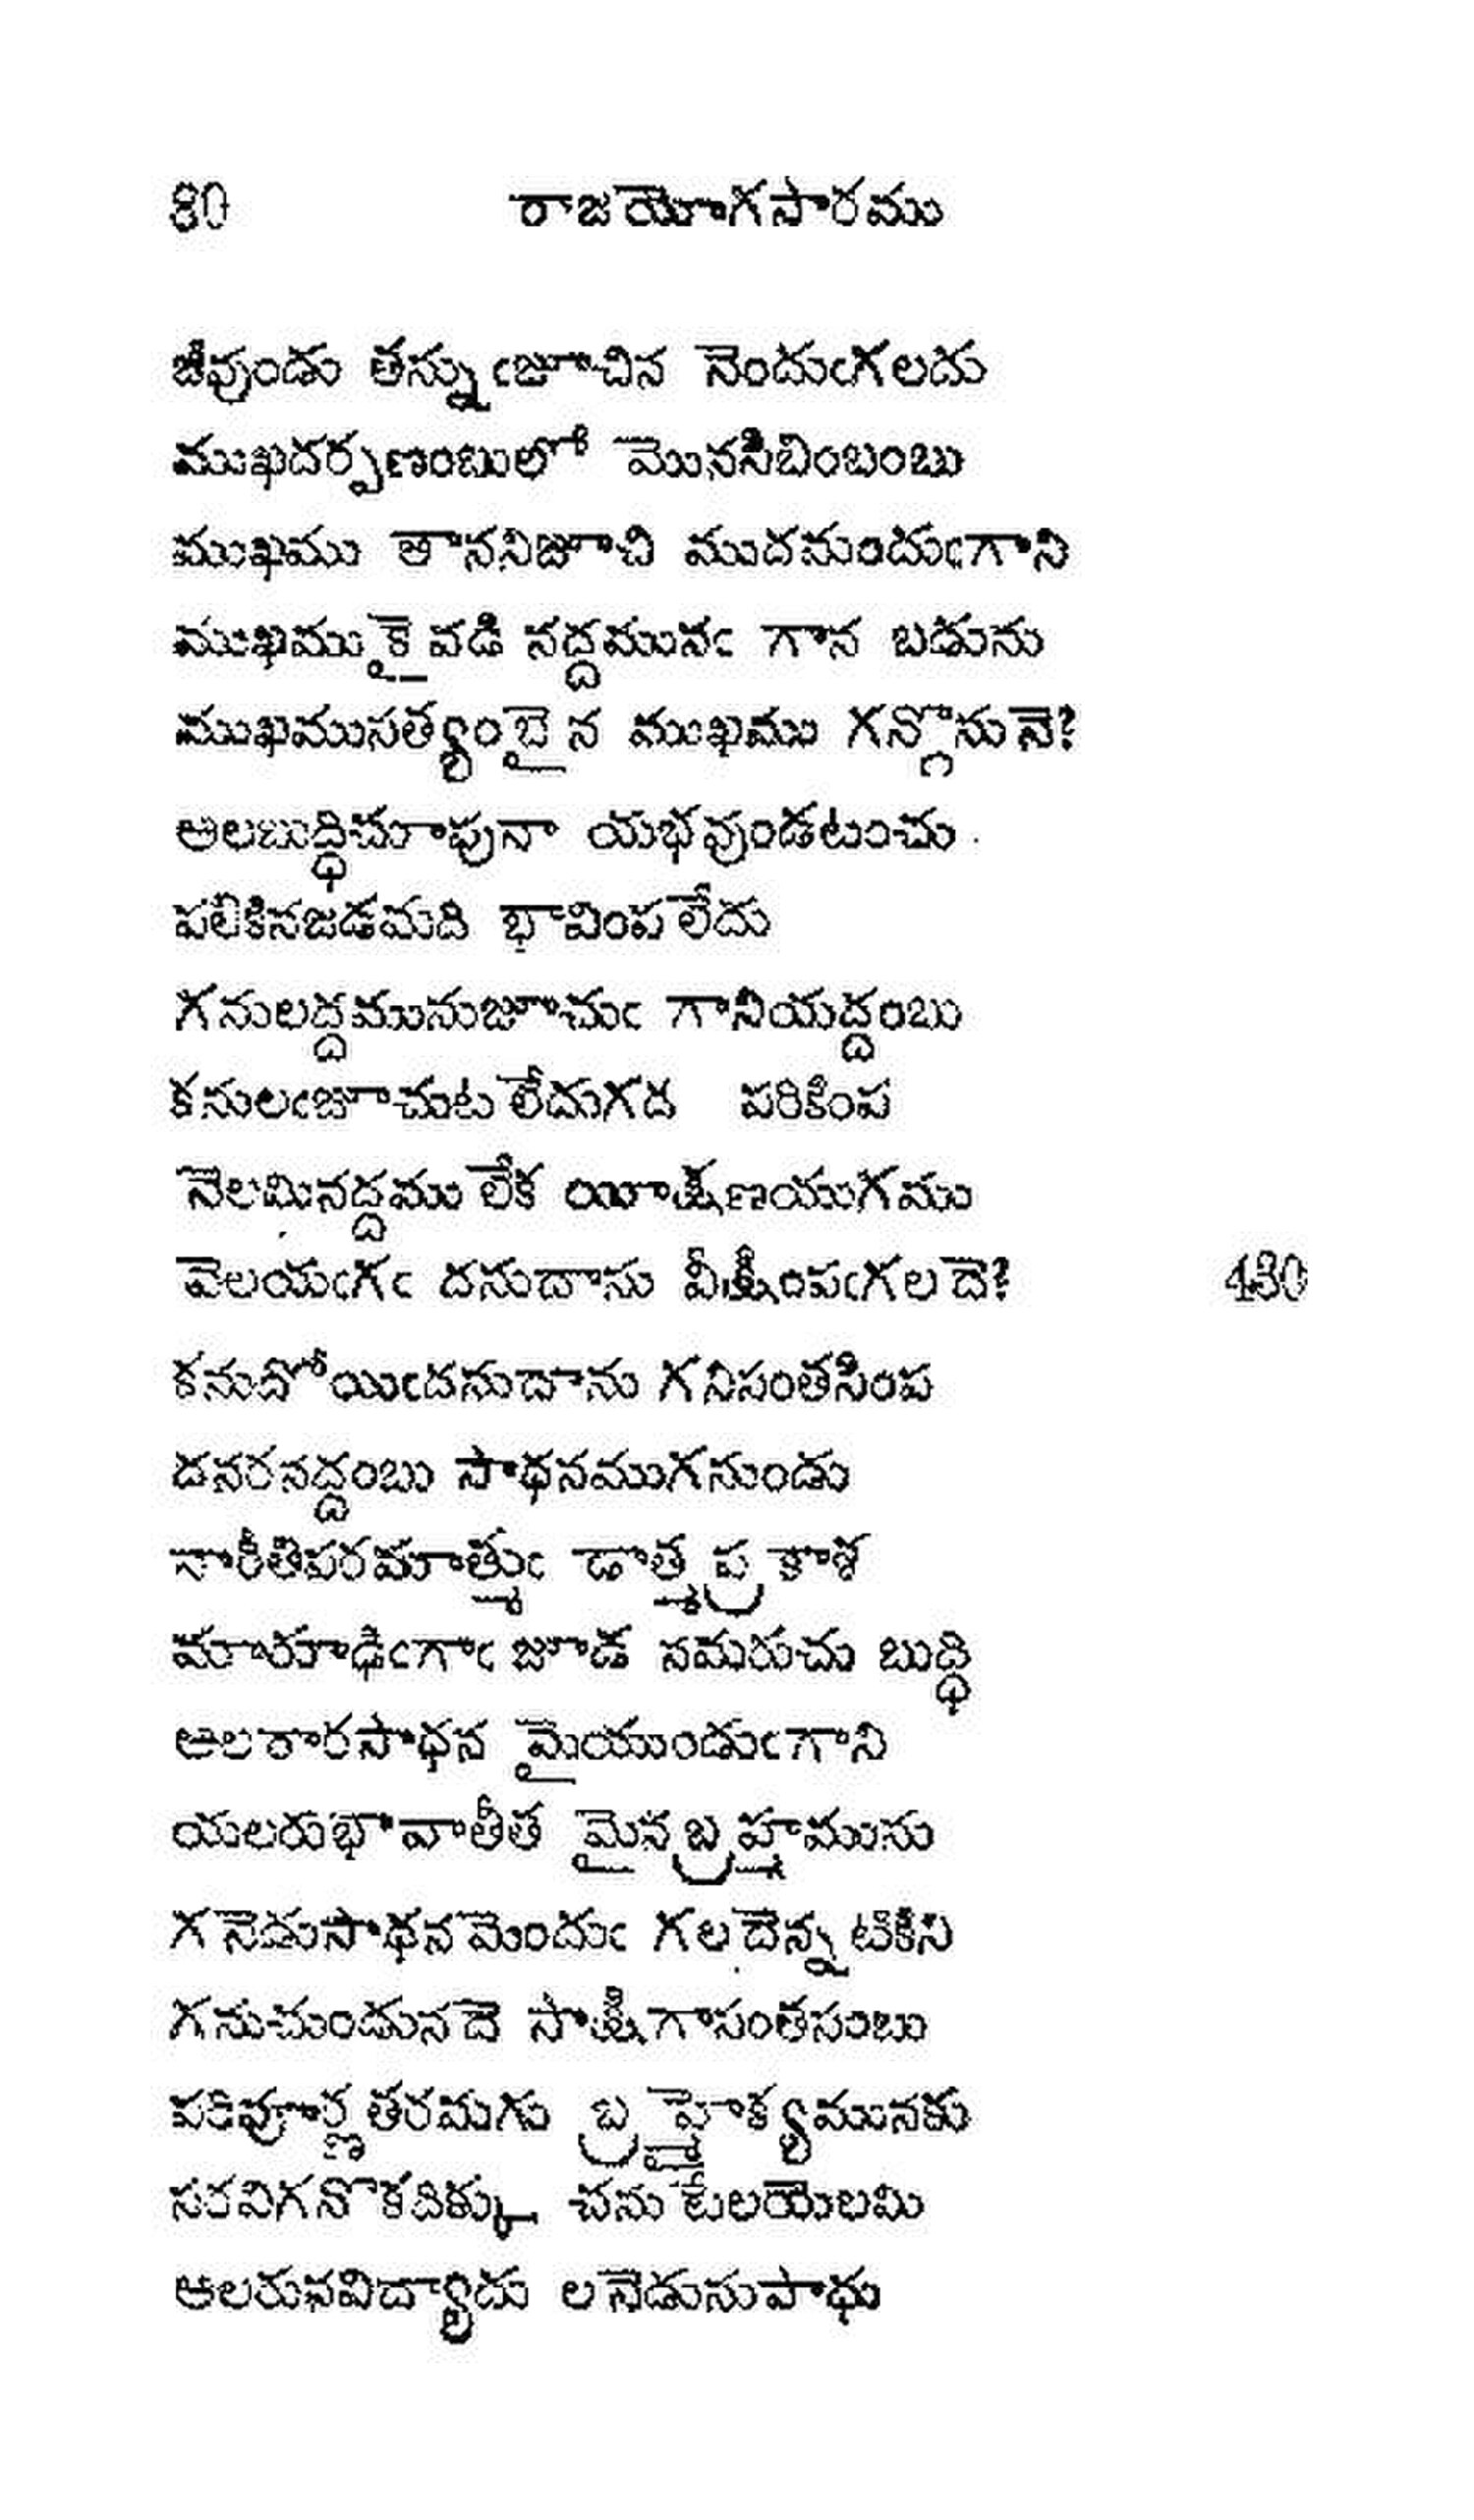జీవుండు తన్నుఁ జూచిన నెందుఁగలదు
ముఖదర్పణంబులో మొనసిబింబంబు
ముఖము తాననిజూచి ముదమందుఁగాని
ముఖముకైవడి నద్దమునఁ గాన బడును
ముఖముసత్యంబైన ముఖము గన్గొనునె?
అలబుద్ధిచూపునా యభవుండటంచు
పలికినజడమది భావింపలేదు
గను లద్దమును జూచుఁ గాని యద్దంబు
కనులఁ జూచుటలేదుగద పరికింప
నెలమి నద్దము లేక యీక్షణయుగము
వెలయఁగఁ దనుదాను వీక్షింపఁగలదె?
కనుదోయిఁదనుదాను గనిసంతసింప
దనరనద్దంబు సాధనముగ నుండు
నారీతిపరమాత్ముఁ డాత్మప్రకాశ
మారూఢిఁగాఁ జూడ నమరుచు బుద్ధి 
అలరారసాధన మైయుండుఁగాని
యలరుభావాతీత మైనబ్రహ్మమును
గనెడుసాధనమెందుఁ గలదెన్నటికిని
గనుచుండునదె సాక్షిగాసంతసంబు
పరిపూర్ణతరమగు బ్రహ్మైక్యమునకు
సరవిగనొకదిక్కు చనుటేల యెలమి 
అలరునవిద్యాదు లనెడునుపాధు